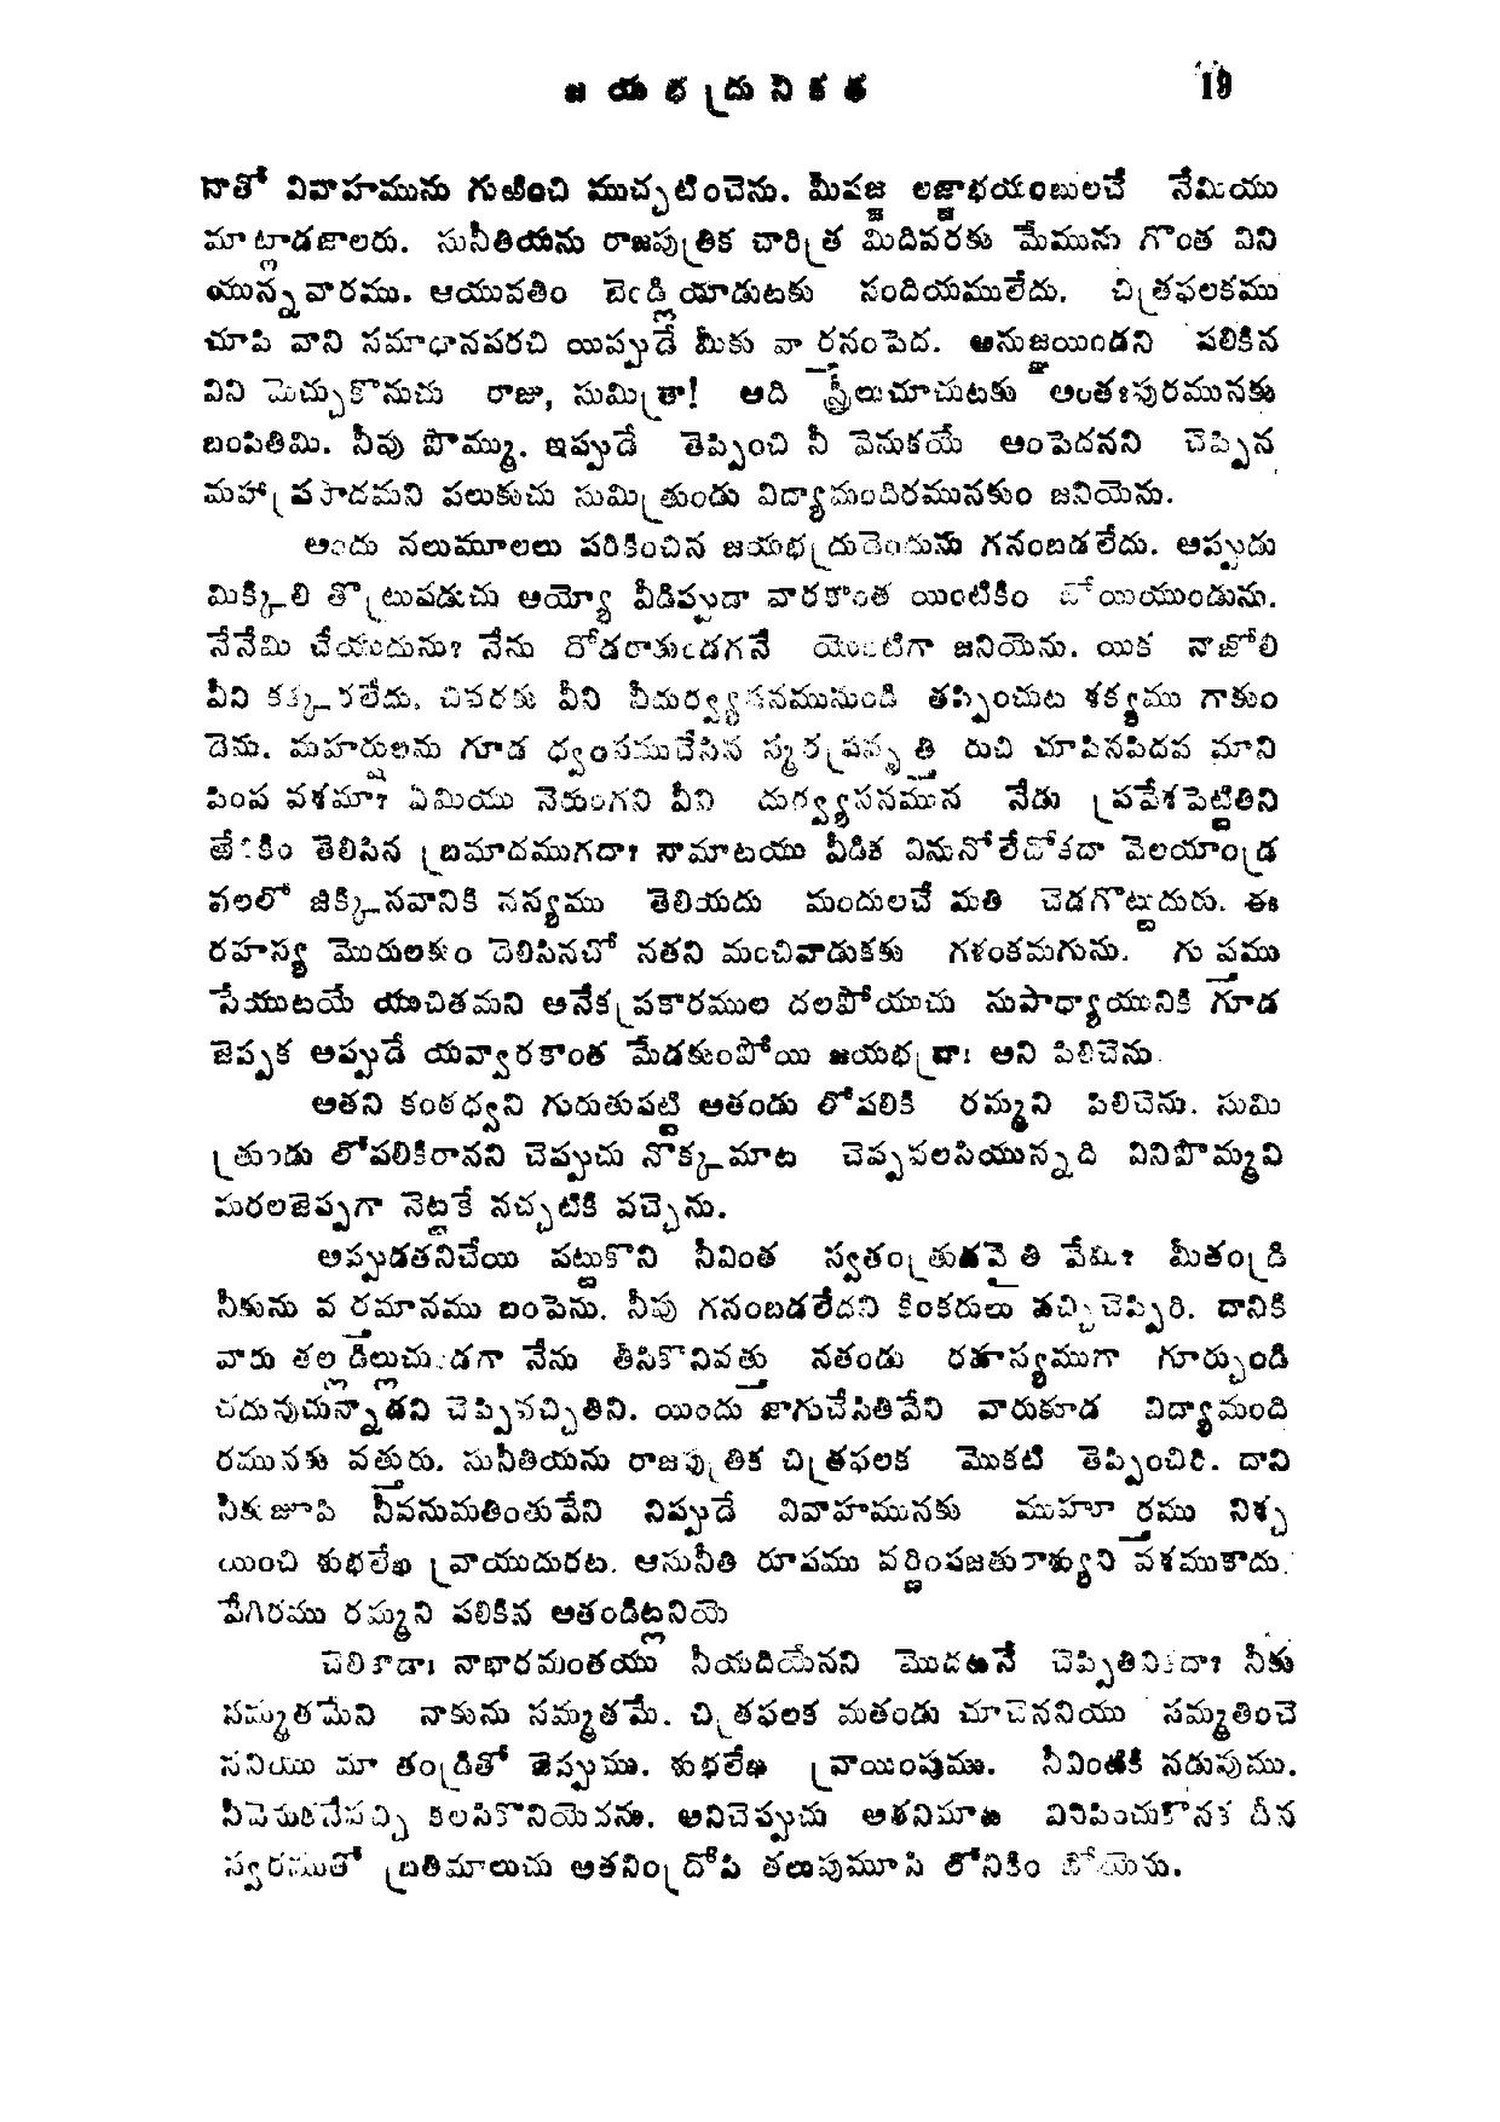నాతో వివాహమును గుఱించి ముచ్చటించెను. మీపజ్జ లజ్జాభయంబులచే నేమియు మాట్లాడజాలరు. సునీతయను రాజపుత్రిక చారిత్ర మిదివరకు మేమును గొంత వినియున్నవారము. ఆయువతిం బెండ్లి యాడుటకు సందియములేదు. చిత్రఫలకము చూపి వాని సమాధానపరచి యిప్పుడే మీకు వార్తనంపెద. అనుజ్ఞయిండని పలికిన విని మెచ్చుకొనుచు రాజు, సుమిత్రా! అది స్త్రీలుచూచుటకు అంతఃపురమునకు బంపితిమి. నీవు పొమ్ము. ఇప్పుడే తెప్పించి నీ వేనుకయే అంపెదనని చెప్పిన మహాప్రసాదమని పలుకుచు సుమిత్రుండు విద్యామందిరమునకుం జనియెను.

అందు నలుమూలలు పరికించిన జయభద్రుడెందును గనంబడలేదు. అప్పుడు మిక్కిలి తొట్రుపడుచు అయ్యో వీడిప్పుడా వారకాంత యింటికిం బోయియుండును. నేనేమి చేయుదును? నేను దోడరాకుండగనే యొంటిగా జనియెను. యిక నాజోలి వీని కక్కరలేదు. చివరకు వీని నీదుర్వ్యసనము నుండి తప్పించుట శక్యము గాకుండెను. మహర్షులను గూడ ధ్వంసముచేసిన స్మరప్రవృత్తి రుచి చూపినపిదప మానిపింప వశమా? ఏమియు నెరుంగని దీని దుర్వ్యసనమున నేడు ప్రవేశపెట్టితిని ఱేనికిం తెలిసిన బ్రమాదముగదా! నామాటయు వీడిక వినునోలేదోకదా వెలయాండ్ర వలలో జిక్కినవానికి నన్యము తెలియదు మందులచే మతి చెడగొట్టుదురు. ఈ రహస్య మొరులకుం దెలిసినచో నతని మంచివాడుకకు గళంకమగును. గుప్తము సేయుటయే యుచితమని అనేక ప్రకారముల దలపోయుచు నుపాధ్యాయునికి గూడ జెప్పక అప్పుడే యవ్వారకాంత మేడకుంపోయి జయభద్రా! అని పిలిచెను.

అతని కంఠధ్వని గురుతుపట్టి అతండు లోపలికి రమ్మని పిలిచెను. సుమిత్రుడు లోపలికిరానని చెప్పుచు నొక్కమాట చెప్పవలసియున్నది. వినిపొమ్మని మరలజెప్పగా నెట్లకే నచ్చటికి వచ్చెను.

అప్పు డతనిచేయి పట్టుకొని నీవింత స్వతంత్రుడవైతి వేమి? మీతండ్రి నీకును వర్తమానము బంపెను. నీవు గనంబడలేదని కింకరులు వచ్చిచెప్పిరి. దానికి వారు తల్లడిల్లుచుండగా నేను తీసికొనివత్తు నతండు రహస్యముగా గూర్చుండి చదువుచున్నాడని చెప్పివచ్చితిని. యిందు జాగుచేసితివేని వారుకూడ విద్యామందిరమునకు వత్తురు. సునీతియను రాజపుత్రిక చిత్రఫలక మొకటి తెప్పించిరి. దాని నీకు జూపి నీ వనుమతింతువేని నిప్పుడే వివాహమునకు ముహూర్తము నిశ్చయించి శుభలేఖ వ్రాయుదురట. ఆసునీతి రూపము వర్ణింప జతురాశ్యుని వశముకాదు. వేగిరము రమ్మని పలికిన అతండిట్లనియె

చెలికాడా! నాభారమంతయు నీయదియేనని మొదటనే చెప్పితినికదా? నీకు సమ్మతమేని నాకును సమ్మతమే. చిత్రఫలక మతండు చూచెననియు సమ్మతించెననియు మా తండ్రితో జెప్పుము. శుభలేఖ వ్రాయింపుము. నీ వింటికి నడువుము. నీవెనుకనే వచ్చి కలసికొనియెదను. అనిచెప్పుచు అతనిమాట వినిపించుకొనక దీనస్వరముతో బ్రతిమాలుచు అతనింద్రోసి తలుపుమూసి లోనికిం బోయెను.